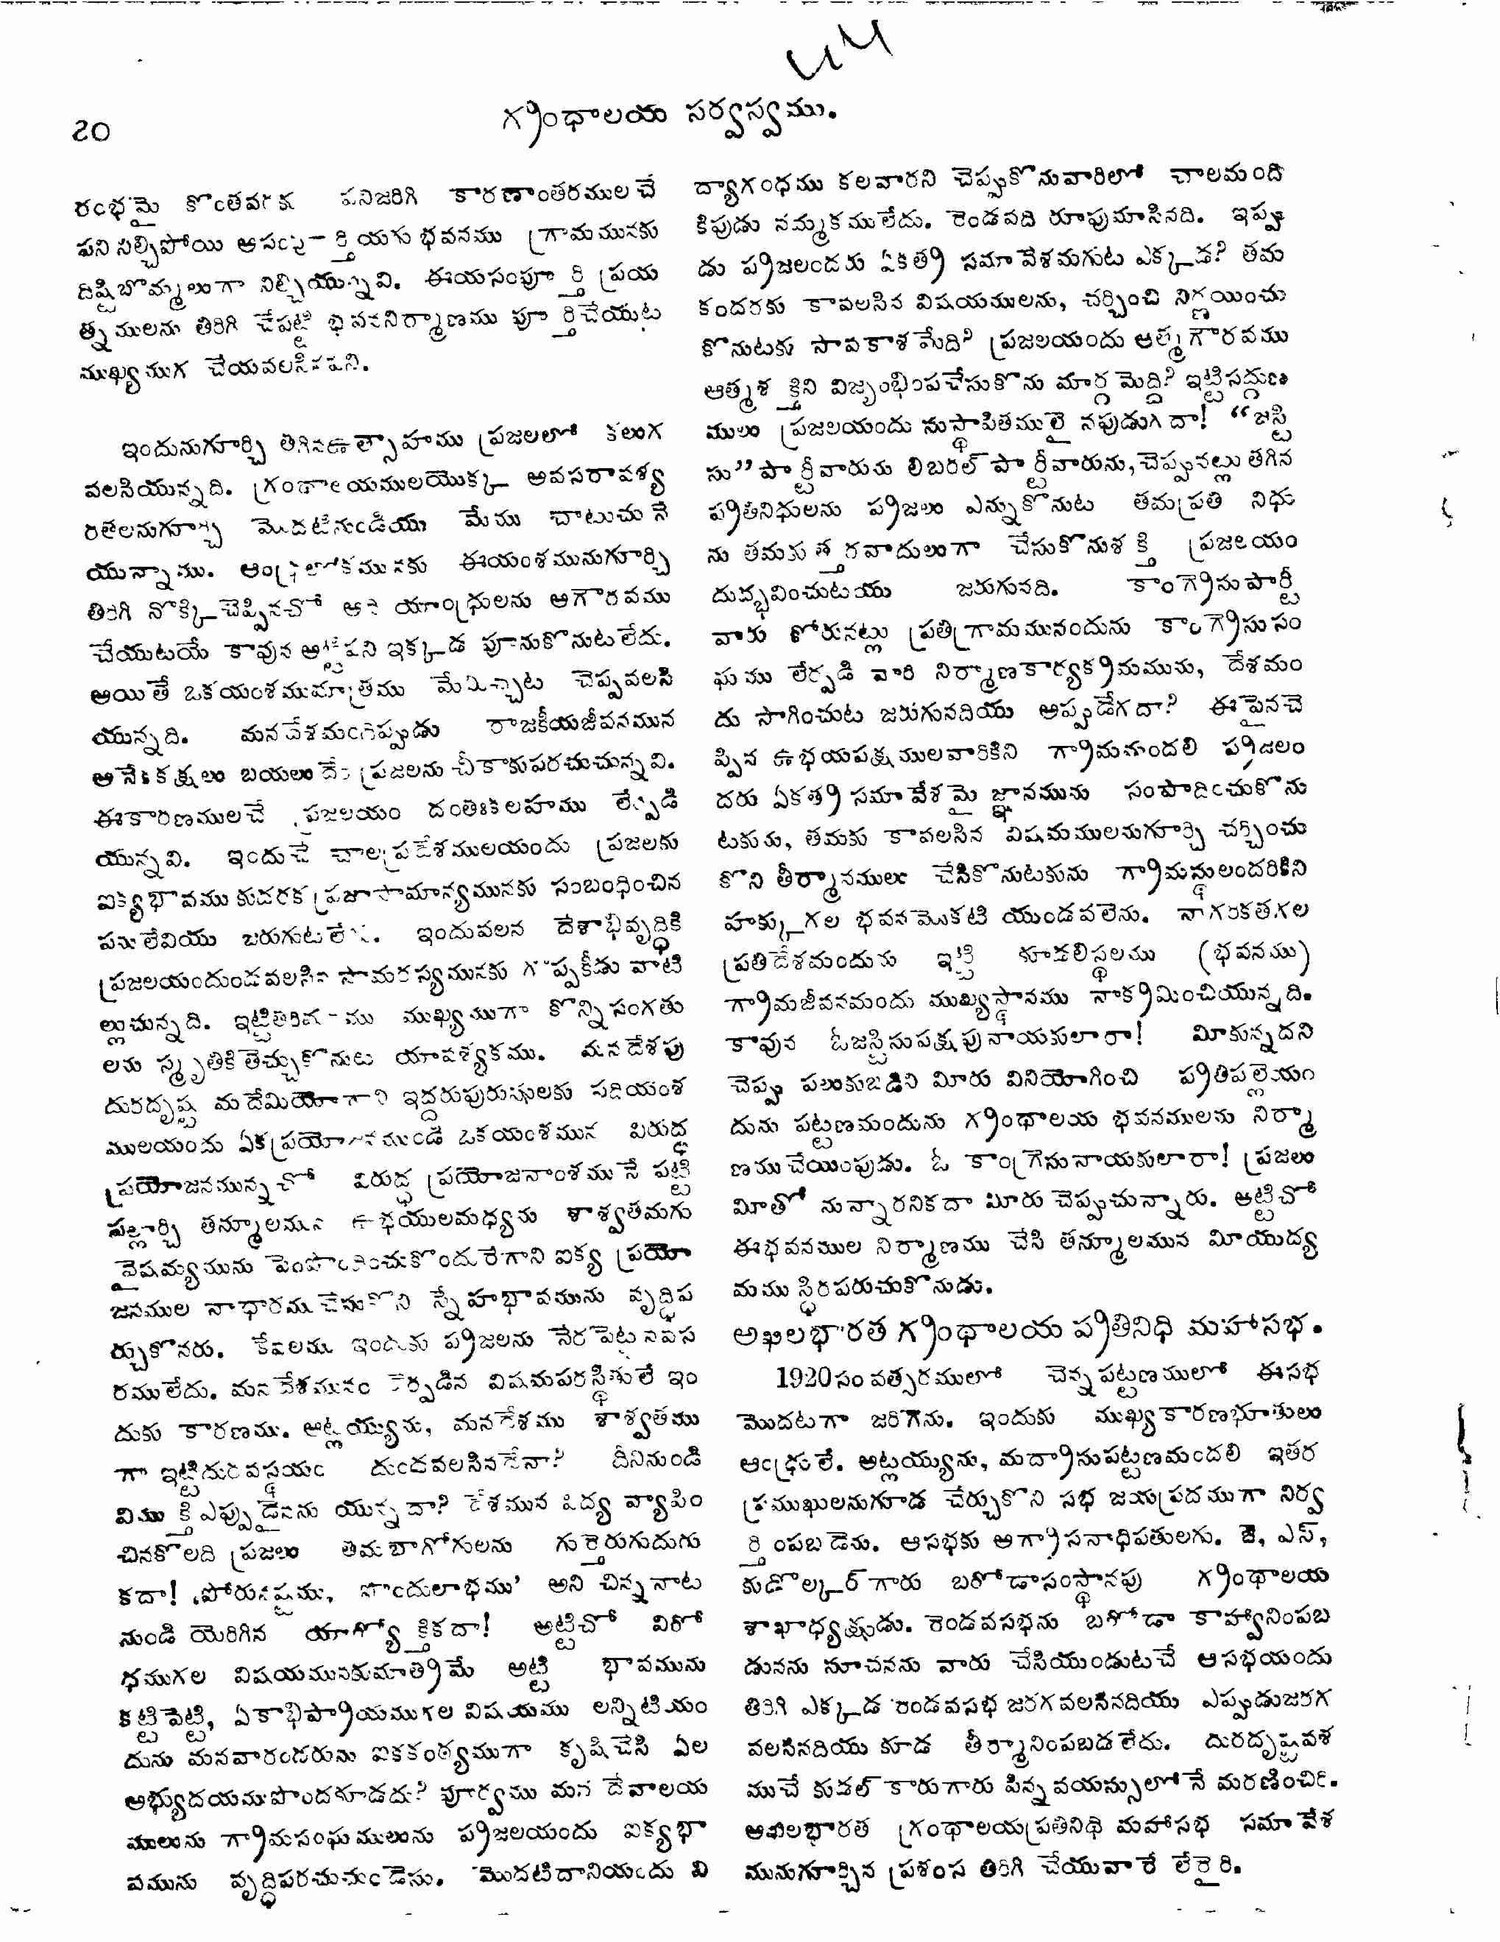రంభమై కొంతవరకు పనిజరిగి కారణాంతరములచే పని సిల్చిపోయి ఆసంపూర్తియగు భవనము గ్రామమునకు దిష్టి బొమ్మలుగా నిల్చియున్నవి. ఈయసంపూర్తి ప్రయత్నములను తిరిగి చేపట్టి భినవనిర్మాణము పూర్తిచేయుట ముఖ్యముగ చేయవలసినపని.

ఇందునుగూర్చి తగిన ఉత్సాహము ప్రజలలో కలుగ వలసియున్నది. గ్రంథాలయముల యొక్క అవసరావళ్యరతలను గూర్చి మొదటి నుండియు మేము చాటుచునే యున్నాము. ఆంధ్రలోకమునకు ఈయంశమునుగూర్చి తిరిగి నొక్కిచెప్పినచో అది యాంధ్రులను అగౌరవము చేయుటయే కావున అట్టిపని ఇక్కడ పూనుకొనుటలేదు. అయితే ఒకయంశముమాత్రము మేమిచ్చిట చెప్పవలసి యున్నది.
మన దేశమందిప్పుడు రాజకీయజీవనమున అనేకక్షలు బయలు దేరి ప్రజలను చీకాకుపరచుచున్నవి. ఈ కారణములచే ప్రజలయం దంతఃకలహము లేర్పడి యున్నవి. ఇందుచే చాలప్రదేశములయందు ప్రజలకు ఐక్యభావము కుదరక ప్రజాసామాన్యమునకు సంబంధించిన పనులేవియు జరుగుటలేదు. ఇందువలన దేశాభివృద్ధికి ప్రజలయందుండవలసిని సొమరస్యమునకు గొప్పకీడు వాటిల్లుచున్నది. ఇట్టితరినము ముఖ్యముగా కొన్నిసంగతులను స్మృతికి తెచ్చుకొనుట యావశ్యకము. మనదేశపు దురదృష్ట మదేమియో గాని ఇద్దరు పురుషులకు పదియంశములయందు ఏక ప్రయోజనముండి ఒకయంశమున విరుద్ధ ప్రయోజనమున్నచో విరుద్ధ ప్రయోజనాంశమునే పట్టిపల్లార్చి తన్మూలమున ఉభయులమధ్యను శాశ్వతమగు వైషమ్యమును పెంపొదించుకొందురేగాని ఐక్య 
ప్రయోజనముల నాధారము చేసుకొని స్నేహభావమును వృద్ధిపర్చుకొనరు. కేవలము ఇందుకు ప్రజలను నేరపెట్ట నవసరములేదు. మన దేశమునందేర్పడిన విషమపరిస్థితులే ఇందుకు కారణము. అట్లయ్యును, మనదేశము శాశ్వతముగా ఇట్టిదురవస్థయందుండవలసినదేనా! దీనినుండి విముక్తి ఎప్పుడైనను యున్నదా? దేశమున విద్య వ్యాపించినకొలది ప్రజలు తమ బాగోగులను గుర్తెరుగుదురుకదా! పోరునష్టము, పొందులాభము' అని చిన్ననాటనుండి యెరిగిన యారోక్తి కదా! అట్టిచో విరోధముగల విషయమునికుమాత్రమే అట్టి భావమును
కట్టిపెట్టి, ఏకాభిప్రాయముగల విషయము లన్నిటియందును మనవారందరును ఐకకంఠ్యముగా కృషిచేసి ఏల అభ్యుదయము పొందకూడదు ? పూర్వము మన దేవాలయములను, గ్రామసంఘములును ప్రజలయందు ఐక్యభావమును వృద్ధిపరచుచుండెసు. మొదటిదానియఁదు విద్యాగంధము కలవారని చెప్పుకొనువారిలో చాలమంది కిపుడు నమ్మకములేదు. రెండవది రూపుమాసినది. ఇప్పుడు ప్రజలందరు ఏకత్రసమావేశమగుట ఎక్కడ? తమకందరకు కావలసిన విషయములను, చర్చించి నిర్ణయించు కొనుటకు సావకాశమేది? ప్రజలయందు ఆత్మగౌరవము ఆత్మశక్తిని విజృంభింపచేసుకొను మార్గమెది? ఇట్టి సద్గుగుములు ప్రజలయందు ను స్థాపితములైనపుడు 
గదా! "జస్తిసు” పార్టీవారును లిబరల్ పార్టీవారును, చెప్పునట్లు తగిన ప్రతినిధులను ప్రజలు ఎన్నుకొనుట తమప్రతినిధును 
తమకుత్తారవాదులుగా చేసుకొనుశక్తి ప్రజలయందుర్భవించుటయు జరుగునది. కాంగ్రెసుపార్టీ వారు కోరునట్లు ప్రతి గ్రామమునందును కాంగ్రెసు సంఘము లేర్పడి వారి నిర్మాణకార్యక్రమమును, దేశమందు సాగించుట జరుగునదియు అప్పుడేగదా? ఈ పైన చెప్పిన ఉభయపక్షములవారికిని గ్రామమందలి ప్రజలందరు ఏకత్రసమావేశమై జ్ఞానమును సంపాదించుకొనుటకును, తమకు కావలసిన విషయములనుగూర్చి చర్చించుకొని తీర్మానములు చేసికొనుటకును గ్రామస్థులందరికిని హక్కుగల భవనమొకటి యుండవలెను. 
నాగరికతగల ప్రతిదేశమందుకు ఇచ్చి కూడలిస్థలము (భవనము) గ్రామజీవనమందు ముఖ్యస్థానము నాక్రమించియున్నది. కావున 
ఓజస్టిసుపక్షపు నాయకులారా! మీకున్నదని చెప్పు పలుకుబడిని మీరు వినియోగించి ప్రతి పల్లెయందును పట్టణమందును గ్రంథాలయ భవనములను నిర్మాణము చేయింపుడు. ఓ కాంగ్రెసు నాయకులారా! ప్రజలు మీతో నున్నారనికదా మీరు చెప్పుచున్నారు. అట్టిచో
ఈభవనముల నిర్మాణము చేసి తన్మూలమున యుద్యమము స్థిరపరుచుకొనుడు. 

1920 సంవత్సరములో చెన్నపట్టణములో ఈ సభ మొదటగా జరిగెను. ఇందుకు ముఖ్య కారణభూతులు ఆంధ్రులే. అట్లయ్యును, మద్రాసు పట్టణమందలి ఇతర ప్రముఖులనుగూడ చేర్చుకొని సభ జయప్రదముగా నిర్వర్తింపబడెను. ఆసభకు ఆగ్రాసనాధిపతులగు. 
జె.స్.కుడొల్కర్గారు బరోడా సంస్థానపు గ్రంథాలయ శాఖాధ్యక్షుడు. రెండవ సభను బగోడా కాహ్వానింపబడునను సూచనను వారు చేసియుండుటచే ఆసభయందు తిరిగి ఎక్కడ రెండవసభను జరగవలసినదియు ఎప్పుడుజరగ వలసినదియు కూడ తీర్మానింపబడలేదు. దురదృష్టవశముచే కుడొల్కర్గారు గారు పిన్న వయస్సులోనే మరణించిరి. అఖిలభారత గ్రంథాలయప్రతినిధి మహాసభ సమావేశమును గూర్చిన ప్రశంస తిరిగి చేయువారే లేరైరి.